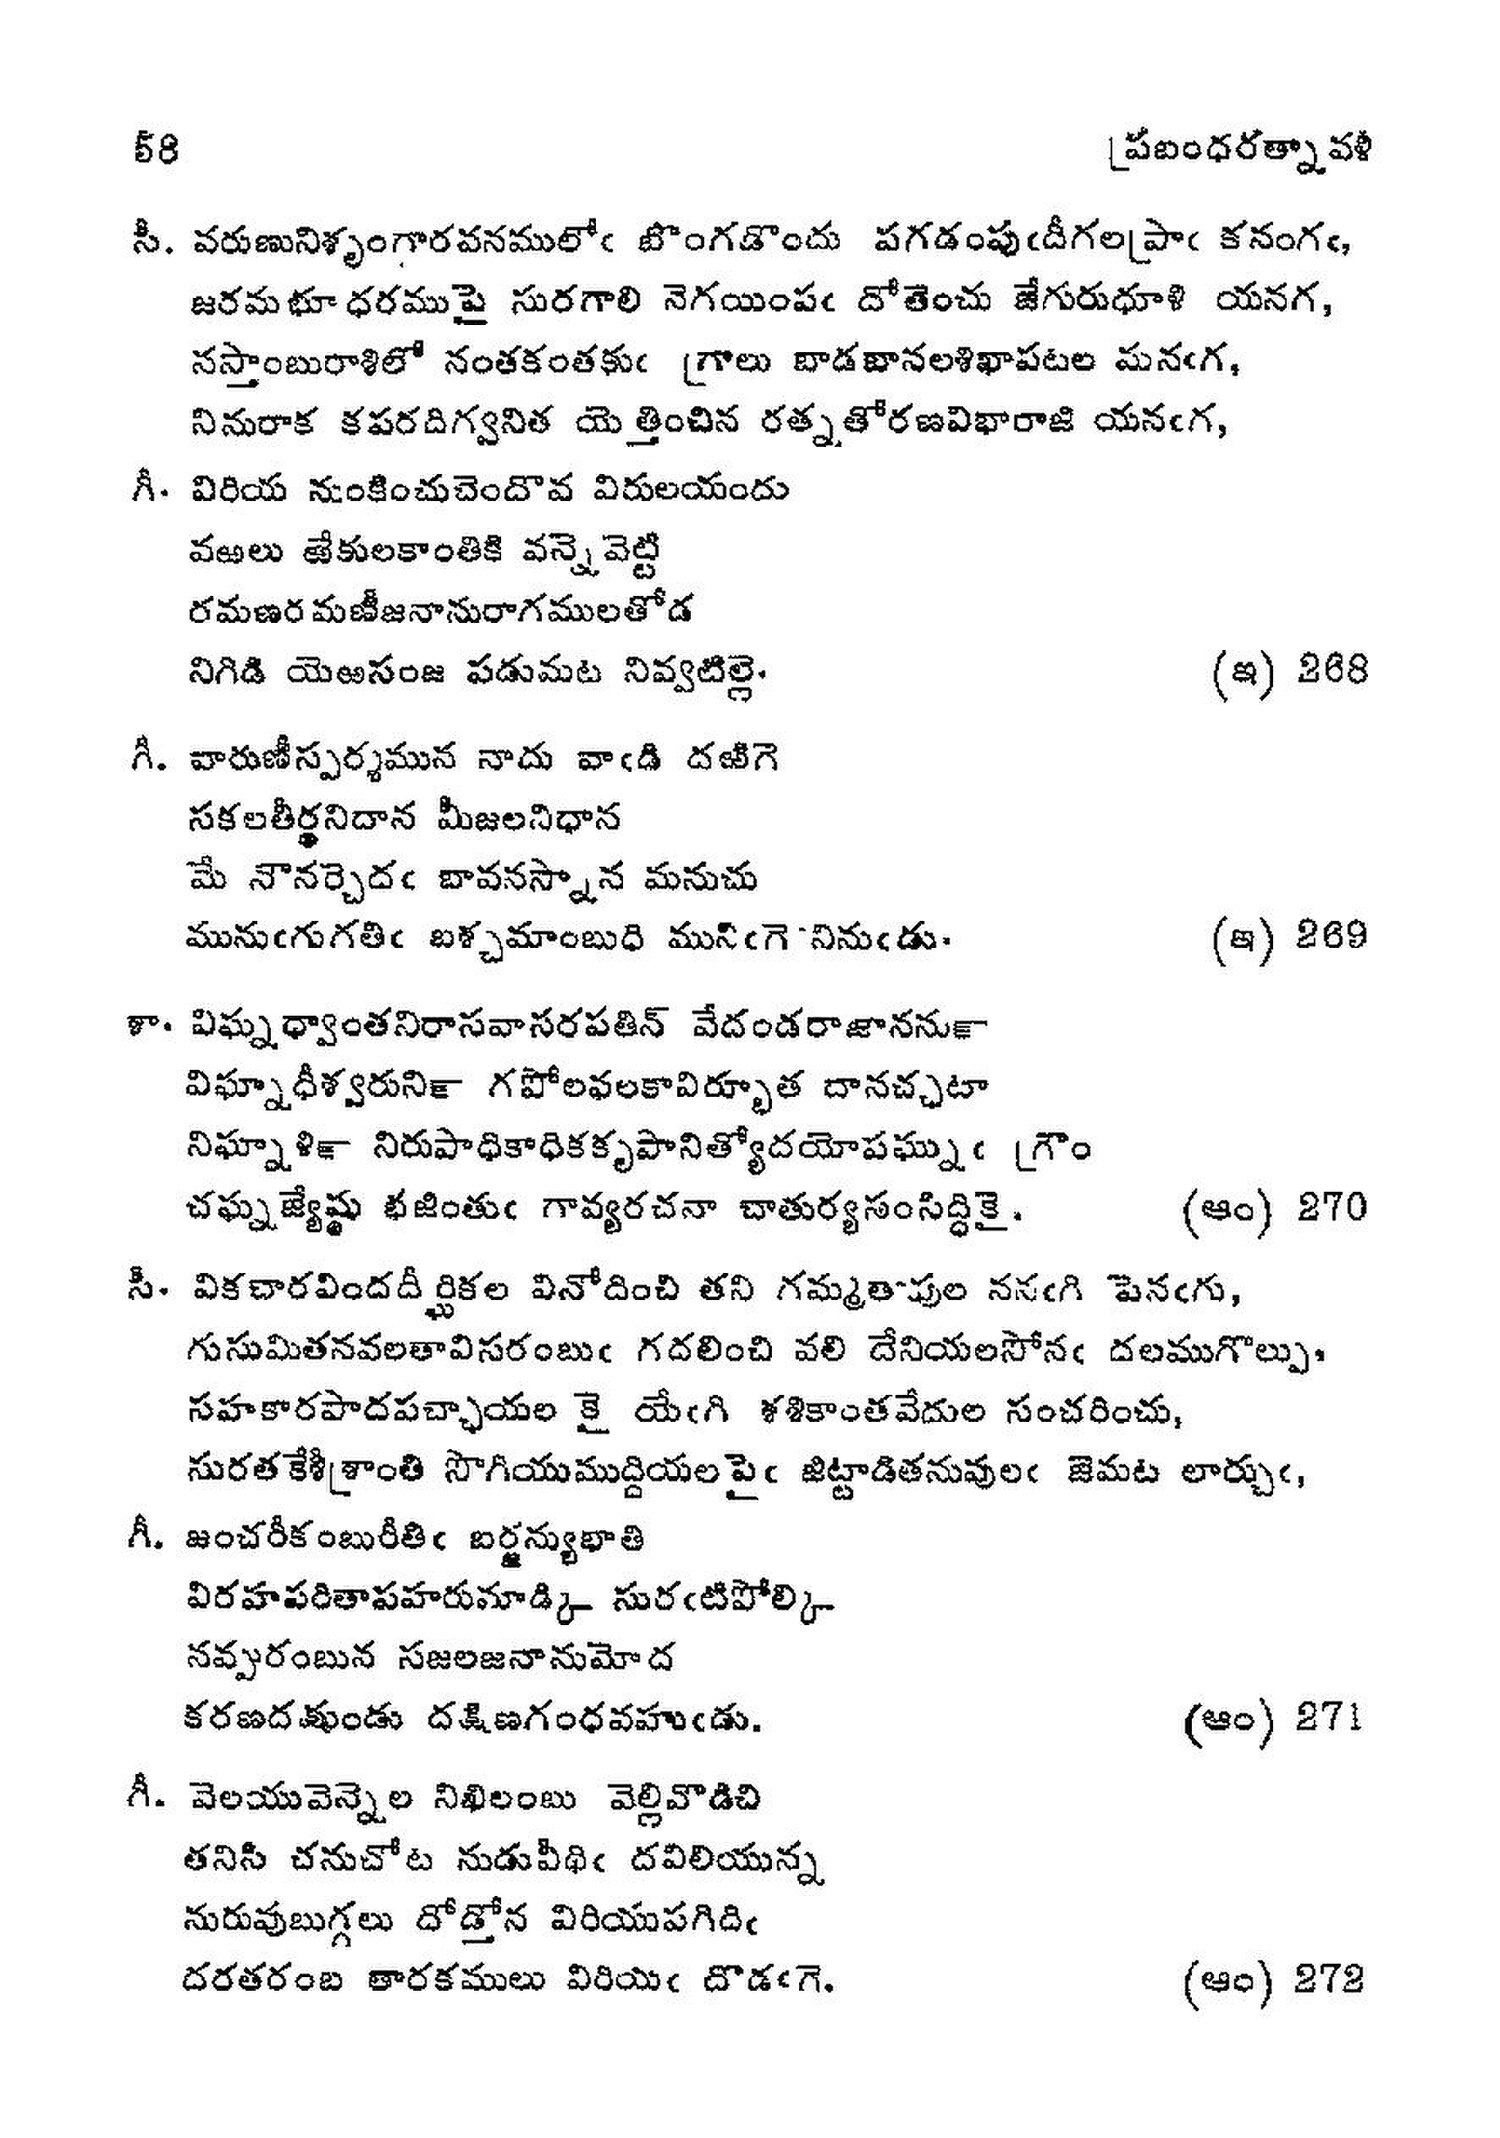సీ. వరుణుని శృంగారవనములోఁ బొగడొందు పగడంపుఁదీగల ప్రాఁకనంగఁ,
జరమభూధరము పై సురగాలి నెగయింపఁ దోతెంచు జేగురుధూళి యనఁగ,
నస్తాంబురాశిలో నంతకంతకుఁ గ్రాలు బాడబానల శిఖాపటల మనఁగ,
నినురాక కపరదిగ్వనిత యెత్తించిన రత్నతోరణవిభారాజి యనఁగ,
గీ. విరియ నుంకించుచెందొవ విరులయందు
వఱలు ఱేకుల కాంతికి వన్నె వెట్టి
రమణ రమణీజనానురాగములతోడ
నిగిడి యెఱసంజ పడుమట నివ్వటిల్లె. (ఇ) 268

గీ. వారుణీస్పర్శమున నాదు వాఁడి దఱిగె
సకలతీర్థనిదాన మీ జలనిధాన
మే నొనర్చెదఁ బావనస్నాన మనుచు
మునుఁగుగతిఁ బశ్చిమాంబుధి మునిఁగె నినుఁడు. (ఇ) 269

శా. విఘ్నధ్వాంతనిరాసవాసరపతిన్ వేదండరాజాననున్
విఘ్నాధీశ్వరునిన్ గపోలఫలకావిర్భూతదానచ్ఛటా
నిఘ్నాళిన్ నిరుపాధికాధికకృపానిత్యోదయోపఘ్నుఁ గ్రౌం
చఘ్నజ్యేష్ఠు భజింతుఁ గావ్యరచనాచాతుర్యసంసిద్ధికై. (ఆం) 270

సీ. వికచారవిందదీర్ఘికల వినోదించి తని గమ్మతావుల ననఁగి పెనఁగుఁ,
గుసుమిత నవలతావిసరంబుఁ గదిలించి వలిదేనియల సోనఁ దలము గొల్పు,
సహకారపాదపచ్ఛాయలకై యేఁగి శశికాంతవేదుల సంచరించు,
సురతకేళీశ్రాంతి సొగియుముద్దియలపైఁ జిట్టాడితనువులఁ జెమట లార్చుఁ,
గీ. జంచరీకంబురీతిఁ బర్జన్యుభాతి
విరహపరితాపహరుమాడ్కి సురఁటిపోల్కి
నప్పురంబున సకలజనానుమోద
కరణదక్షుండు దక్షిణగంధవహుఁడు. (ఆం) 271

గీ. వెలయువెన్నెల నిఖిలంబు వెల్లివొడిచి
తనిసి చనుచోట నుడువీథిఁ దవిలియున్న
నురువుబుగ్గలు దోడ్తోన విరియుపగిదిఁ
దరతరంబ తారకములు విరియఁ దొడఁగె. (ఆం) 272